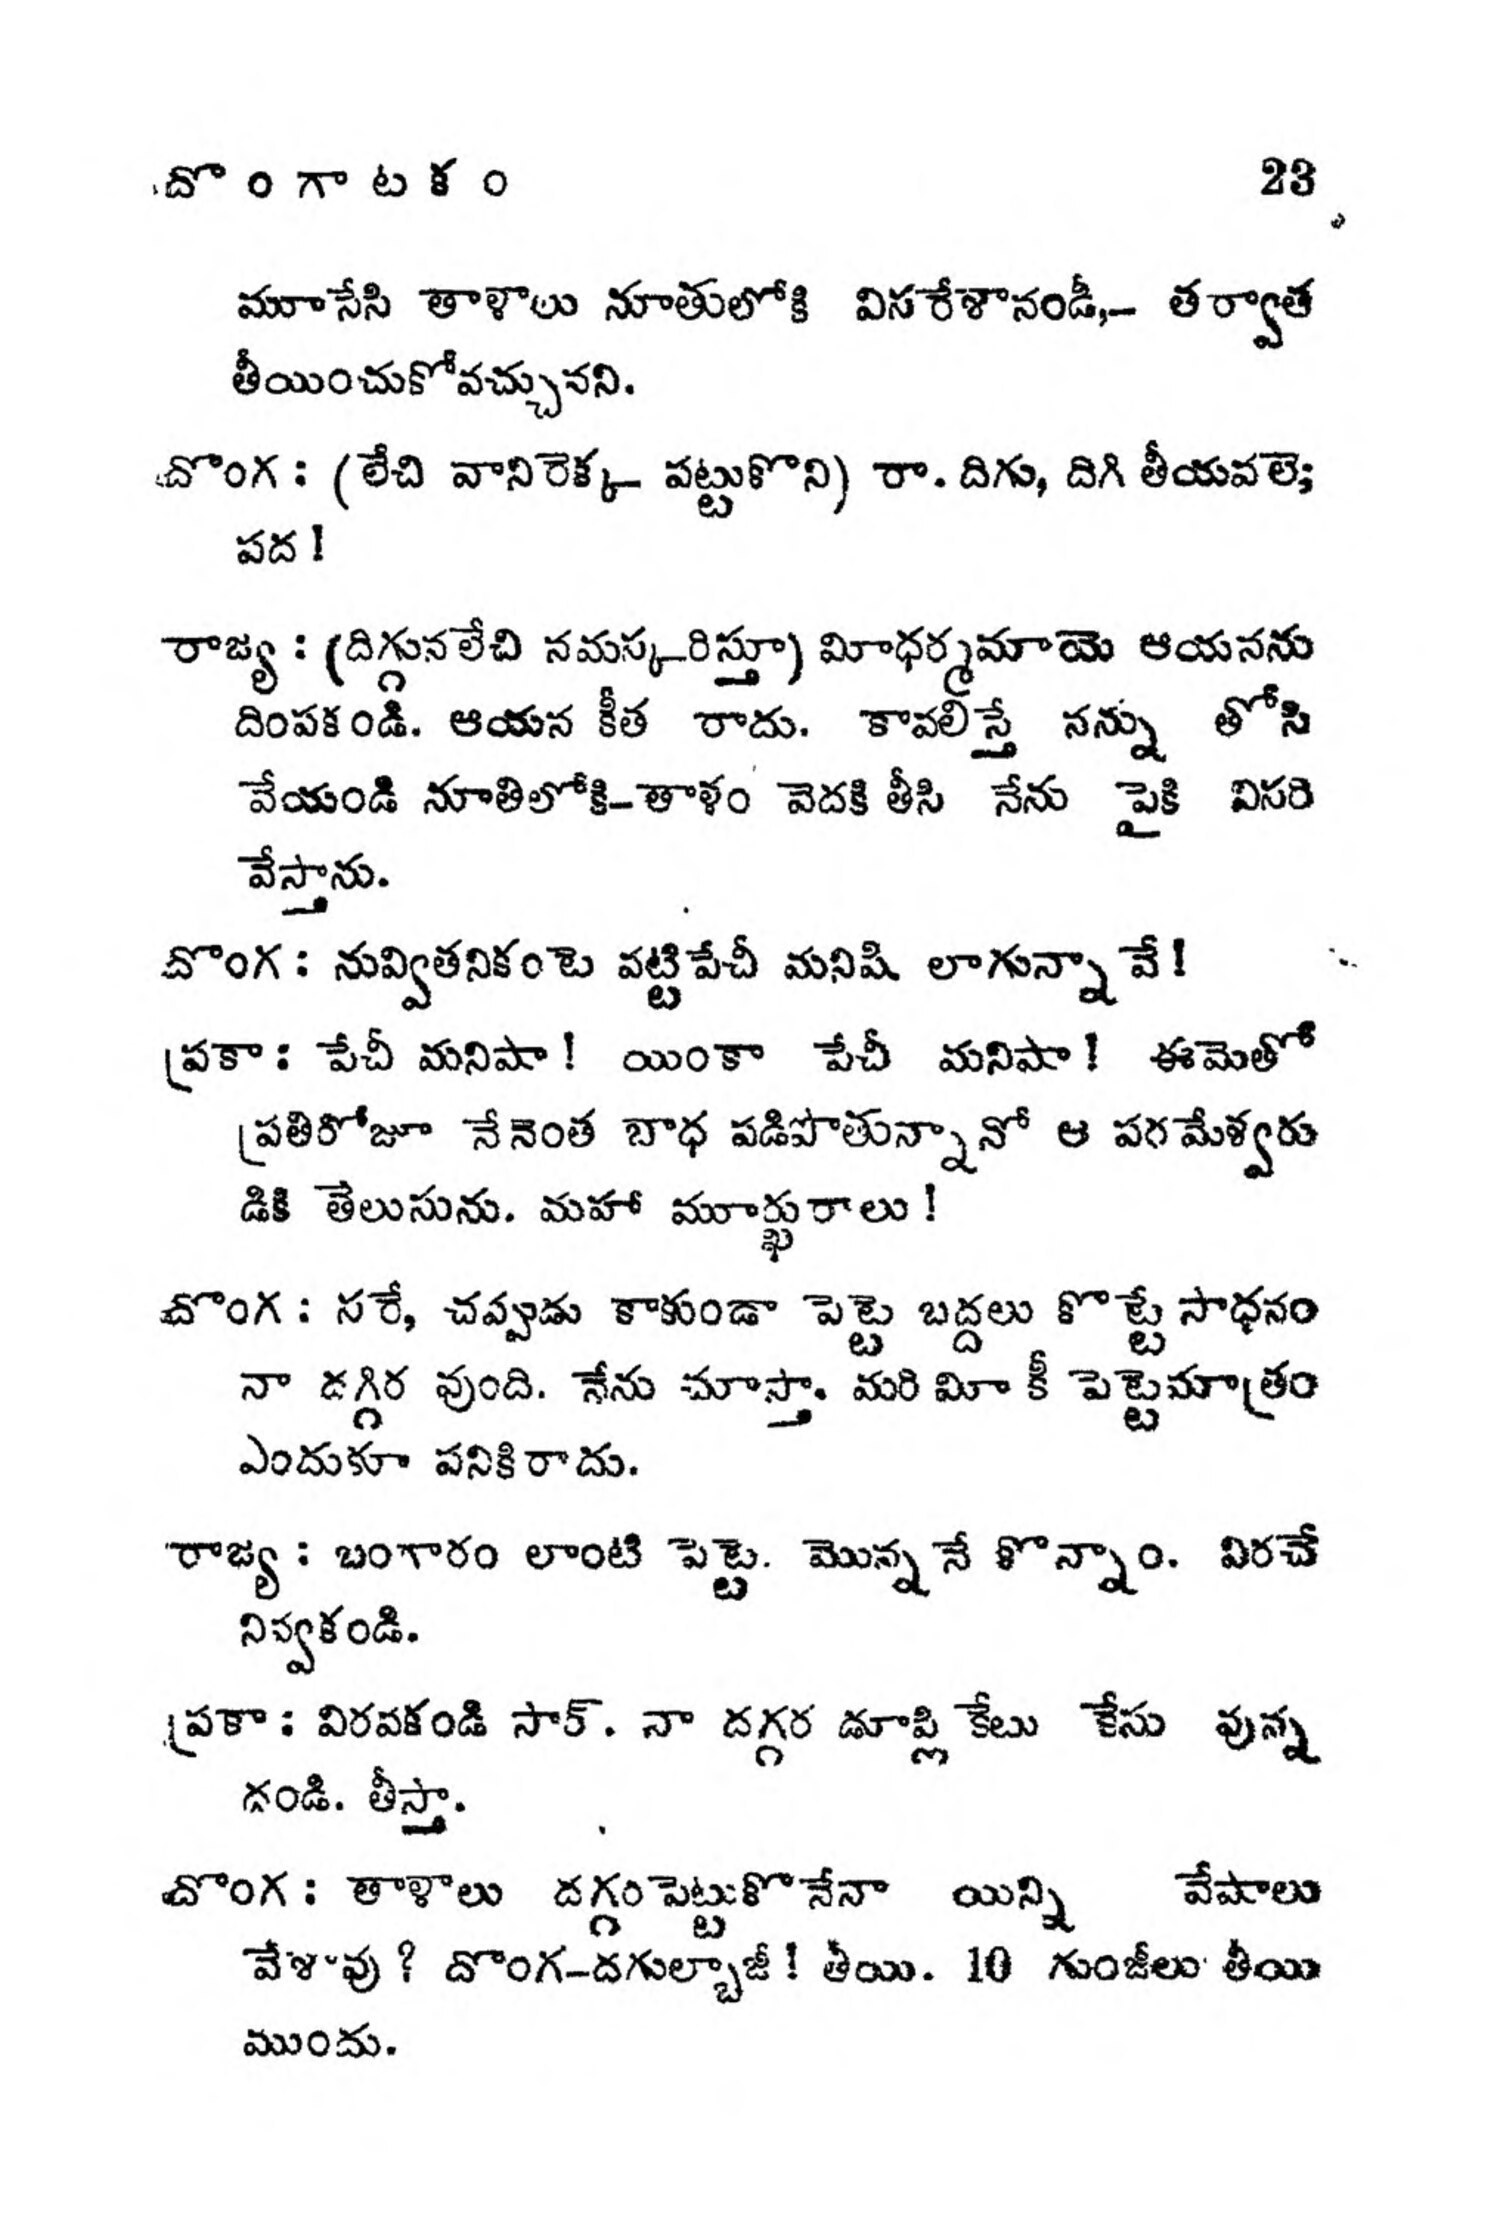మూసేసి తాళాలు నూతులోకి విసరేశానండీ,- తర్వాత తీయించుకోవచ్చునని.

దొంగ : (లేచి వానిరెక్క పట్టుకొని) రా. దిగు, దిగి తీయవలె; పద!

రాజ్య : (దిగ్గున లేచి నమస్కరిస్తూ) మీధర్మమాయె ఆయనను దింపకండి. ఆయన కీత రాదు. కావలిస్తే నన్ను తోసి వేయండి నూతిలోకి— తాళం వెదకి తీసి నేను పైకి విసరి వేస్తాను.

దొంగ : నువ్వితనికంటె వట్టిపేచీ మనిషి లాగున్నావే!

ప్రకా : పేచీ మనిషా! యింకా పేచీ మనిషా! ఈమెతో ప్రతిరోజూ నేనెంత బాధ పడిపొతున్నానో ఆ పరమేశ్వరుడికి తెలుసును. మహా మూర్ఖురాలు!

దొంగ : సరే, చప్పుడు కాకుండా పెట్టె బద్దలు కొట్టే సాధనం నా దగ్గిర వుంది. నేను చూస్తా. మరి మీకీ పెట్టెమాత్రం
ఎందుకూ పనికి రాదు.

రాజ్య : బంగారం లాంటి పెట్టె. మొన్ననే కొన్నాం. విరచే నివ్వకండి.

ప్రకా : విరవకండి సార్. నా దగ్గర డూప్లి కేటు కేసు వున్నదండి. తీస్తా.

దొంగ : తాళాలు దగ్గరపెట్టుకొనేనా యిన్ని వేషాలు వేశావు? దొంగ - దగుల్బాజీ! తీయి. 10 గుంజీలు తీయి ముందు.